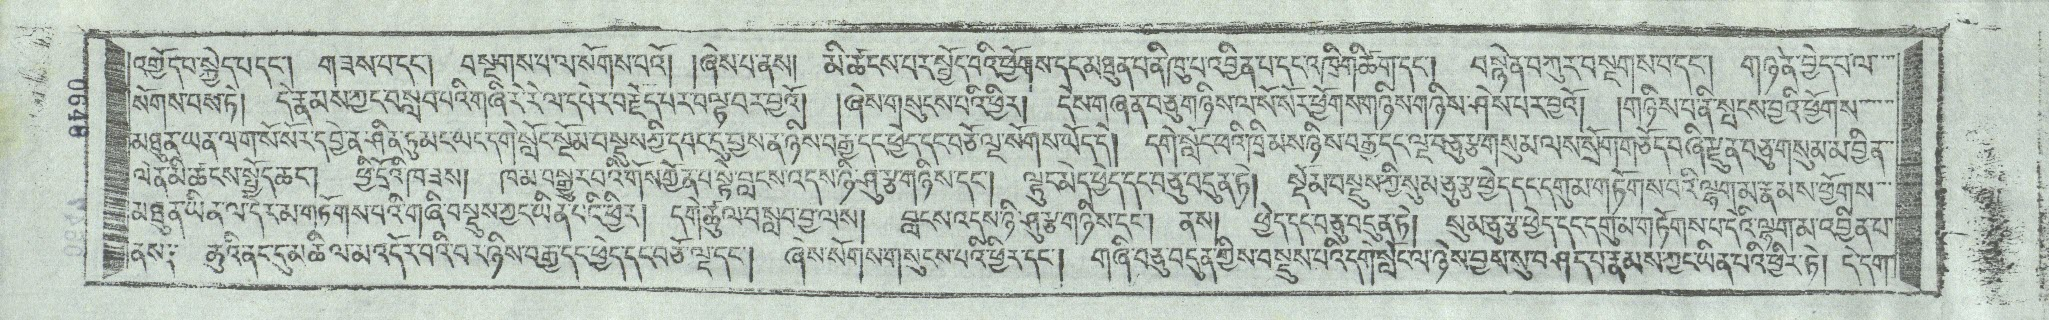འགྱོད་པ་སྐྱེད་པ་དང་། གཟས་པ་དང་། བསྔགས་པ་ལ་སོགས་པའོ། །ཞེས་པ་ནས། མི་ཚངས་པར་སྤྱོད་པའི་ཕྱོགས་དང་མཐུན་པ་ནི་ཁུ་པ་འབྱིན་པ་དང་འཁྲིག་ཚིག་དང་། བསྙེན་བཀུར་བསྔགས་པ་དང་། གཉེན་བྱེད་པ་ལ་
སོགས་པས་ཏེ། དེ་རྣམས་ཀྱང་བསླབ་པའི་གཞི་རེ་རེ་ལ་དཔེར་བརྗོད་པར་བལྟ་བར་བྱའོ། །ཞེས་གསུངས་པའི་ཕྱིར། དེས་གཞན་བཅུ་གཉིས་ལ་སོ་སོར་ཕྱོགས་གཉིས་གཉིས་ཤེས་པར་བྱའོ། །གཉིས་པ་ནི་སྤངས་བྱའི་ཕྱོགས་
མཐུན་ཡན་ལག་སོ་སོར་དབྱེ་ན་ཤིན་ཏུ་མང་ཡང་དགེ་སློང་སྡོམ་བསྡུས་ཀྱི་དབང་དུ་བྱས་ན་ཉིས་བརྒྱ་དང་ཕྱེད་དང་བཅོ་ལྔ་སོགས་ཡོད་དེ། དགེ་སློང་ཕའི་ཁྲིམས་ཉིས་བརྒྱ་དང་ལྔ་བཅུ་རྩ་གསུམ་ལས་སྲོག་གཅོད་བཞི་རྫུན་བཅུ་གསུམ་མ་བྱིན་
ལེན་མི་ཚངས་སྤྱོད་ཆང་། ཕྱི་དྲོའི་ཁ་ཟས། ཁ་མ་བསྒྱུར་བའི་གོས་གྱོན་པ་སྟེ་བླངས་འདས་ཉི་ཤུ་རྩ་གཉིས་དང་། ལྟུང་མེད་ཕྱེད་དང་བཅུ་བདུན་ཏེ། སྡོམ་བསྡུས་ཀྱི་སུམ་ཅུ་རྩ་ཕྱེད་དང་དགུ་མ་གཏོགས་པའི་ལྷག་མ་རྣམས་ཕྱོགས་
མཐུན་ཡིན་ལ་དེར་མ་གཏོགས་པའི་གཞི་བསྡུས་ཀྱང་ཡིན་པའི་ཕྱིར། དགེ་ཚུལ་བསླབ་བྱ་ལས། བླངས་འདས་ཉི་ཤུ་རྩ་གཉིས་དང་། ནས། ཕྱེད་དང་བཅུ་བདུན་ཏེ། སུམ་ཅུ་རྩ་ཕྱེད་དང་དགུ་མ་གཏོགས་པ་དེའི་ལྷག་མ་འབྱིན་པ་
ནས༑ ཆུའི་ནང་དུ་མཆིལ་མ་འདོར་བའི་བར་ཉིས་བརྒྱ་དང་ཕྱེད་དང་བཅོ་ལྔ་དང་། ཞེས་སོགས་གསུངས་པའི་ཕྱིར་དང་། གཞི་བཅུ་བདུན་གྱིས་བསྡུས་པའི་དགེ་སློང་ལ་ཉེས་བྱས་སུ་བཤད་པ་རྣམས་ཀྱང་ཡིན་པའི་ཕྱིར་ཏེ། དེ་དག་